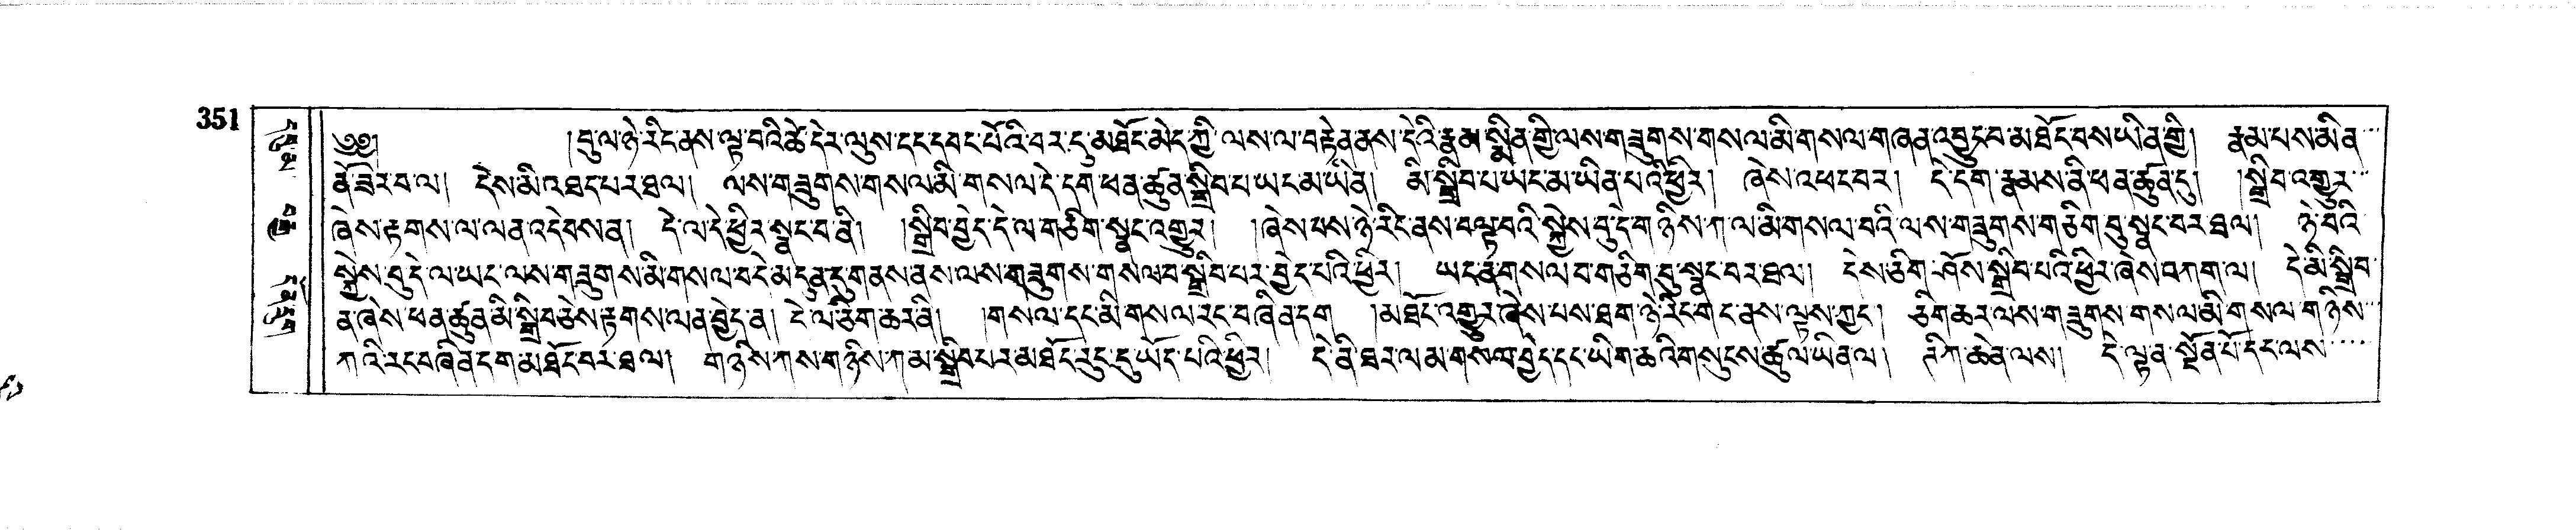༄༅། །བུ་ལ་ཉེ་རིང་ནས་ལྟ་བའི་ཚེ་དེར་ལུས་དང་དབང་པོའི་བར་དུ་མཐོང་མེད་ཀྱི་ལས་ལ་བརྟེན་ནས་དེའི་རྣམ་སྨིན་གྱི་ལས་གཟུགས་གསལ་མི་གསལ་གཞན་འབྱུང་བ་མཐོང་བས་ཡིན་གྱི། རྣམ་པས་མིན་
ནོ་ཟེར་བ་ལ། དེས་མི་འཐད་པར་ཐལ། ལས་གཟུགས་གསལ་མི་གསལ་དེ་དག་ཕན་ཚུན་སྒྲིབ་པ་ཡང་མ་ཡིན། མི་སྒྲིབ་པ་ཡང་མ་ཡིན་པའི་ཕྱིར། ཞེས་འཕང་བར། དེ་དག་རྣམས་ནི་ཕན་ཚུན་དུ། །སྒྲིབ་འགྱུར་
ཞེས་རྟགས་ལ་ལན་འདེབས་ན། དེ་ལ་དེ་ཕྱིར་སྣང་བ་ནི། །སྒྲིབ་བྱེད་དེ་ལ་གཅིག་སྣང་འགྱུར། །ཞེས་པས་ཉེ་རིང་ནས་བལྟ་བའི་སྐྱེས་བུ་དེ་གཉིས་ཀ་ལ་མི་གསལ་བའི་ལས་གཟུགས་གཅིག་བུ་སྣང་བར་ཐལ། ཉེ་བའི་
སྐྱེས་བུ་དེ་ལ་ཡང་ལས་གཟུགས་མི་གསལ་བ་དེ་མདུན་དུ་གནས་ནས་ལས་གཟུགས་གསལ་བ་སྒྲིབ་པར་བྱེད་པའི་ཕྱིར། ཡང་ན་གསལ་བ་གཅིག་བུ་སྣང་བར་ཐལ། དེས་ཅིག་ཤོས་སྒྲིབ་པའི་ཕྱིར་ཞེས་བཀག་ལ། དེ་མི་སྒྲིབ་
ན་ཞེས་ཕན་ཚུན་མི་སྒྲིབ་ཅེས་རྟགས་ལན་བྱེད་ན། དེ་ལ་ཅིག་ཆར་ནི། །གསལ་དང་མི་གསལ་རང་བཞིན་དག །མཐོང་འགྱུར་ཞེས་པས་ཐག་ཉེ་རིང་གང་ནས་ལྟས་ཀྱང་། ཅིག་ཆར་ལས་གཟུགས་གསལ་མི་གསལ་གཉིས་
ཀའི་རང་བཞིན་དག་མཐོང་བར་ཐལ། གཉིས་ཀས་གཉིས་ཀ་མ་སྒྲིབ་པར་མཐོང་རུང་དུ་ཡོད་པའི་ཕྱིར། དེ་ནི་ཐར་ལམ་གསལ་བྱེད་དང་ཡིག་ཆའི་གསུངས་ཚུལ་ཡིན་ལ། ཊིཀ་ཆེན་ལས། དེ་ལྟ་ན་སྔོན་པོ་དང་ལས་